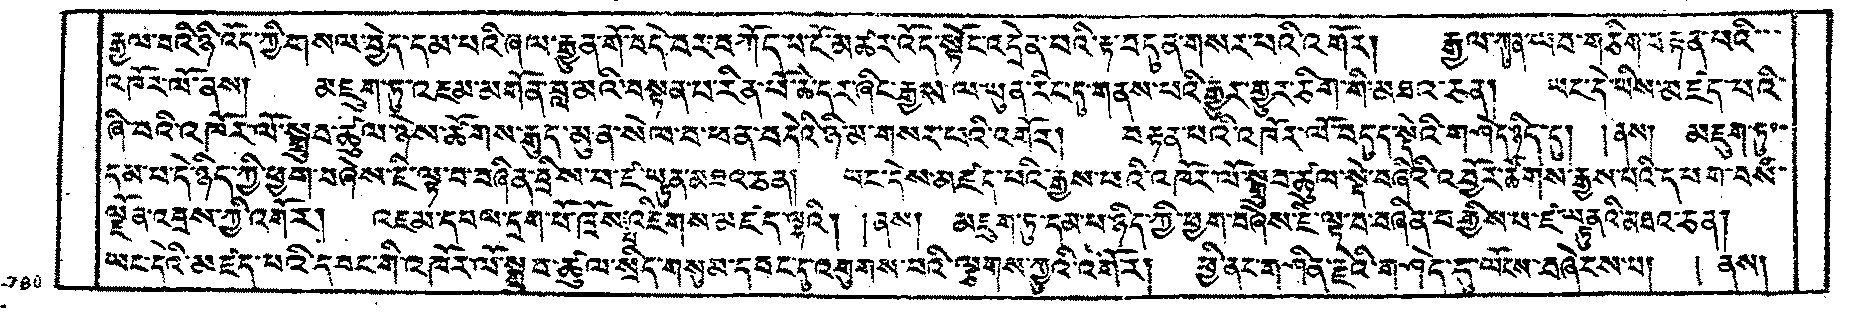རྒྱལ་བའི་ཉི་འོད་ཀྱི་གསལ་བྱེད་དམ་པའི་ཞལ་རྒྱུན་གོ་བདེ་བར་བཀོད་པ་ངོ་མཚར་འོད་སྟོང་འདྲེན་པའི་རྟ་བདུན་གསར་པའི་འགོར། རྒྱལ་ཀུན་ཡབ་གཅིག་བརྟན་པའི་
འཁོར་ལོ་ནས། མཇུག་ཏུ་འཇམ་མགོན་བླ་མའི་བསྟན་པ་རིན་པོ་ཆེ་དར་ཞིང་རྒྱས་ལ་ཡུན་རིང་དུ་གནས་པའི་རྒྱུར་གྱུར་ཅིག་གི་མཐའ་ཅན། ཡང་དེ་ཡིས་མཛད་པའི་
ཞི་བའི་འཁོར་ལོ་སྒྲུབ་ཚུལ་ཉེས་ཚོགས་རྒུད་མུན་སེལ་བ་ཕན་བདེའི་ཉི་མ་གསར་པའི་འགོར། བརྟན་པའི་འཁོར་ལོ་བདུད་སྡེའི་གཤེད་ཉིད་དུ། །ནས། མཇུག་ཏུ་
དམ་པ་དེ་ཉིད་ཀྱི་ཕྱག་བཞེས་ཇི་ལྟ་བ་བཞིན་བྲིས་པ་ཛ་ཡཏུན་མཐའ་ཅན། ཡང་དེས་མཛད་པའི་རྒྱས་པའི་འཁོར་ལོ་སྒྲུབ་ཚུལ་སྡེ་བཞིའི་འབྱོར་ཚོགས་རྒྱས་པའི་དཔག་བསམ་
ལྗོན་འབྲས་ཀྱི་འགོར། འཇམ་དཔལ་དྲག་པོ་ཁྲོས་པ་འཇིགས་མཛད་ལྷའི། །ནས། མཇུག་ཏུ་དམ་པ་ཉིད་ཀྱི་ཕྱག་བཞེས་ཇི་ལྟ་བ་བཞིན་བགྱིས་པ་ཛ་ཡཏུནཱི་མཐའ་ཅན།
ཡང་དེའི་མཛད་པའི་དབང་གི་འཁོར་ལོ་སྒྲུབ་ཚུལ་སྲིད་གསུམ་དབང་དུ་འགུགས་པའི་ལྕགས་ཀྱུའི་འགོར། ཕྱི་ནང་གཤིན་རྗེའི་གཤེད་དུ་ཡོངས་བཞེངས་པ། །ནས།